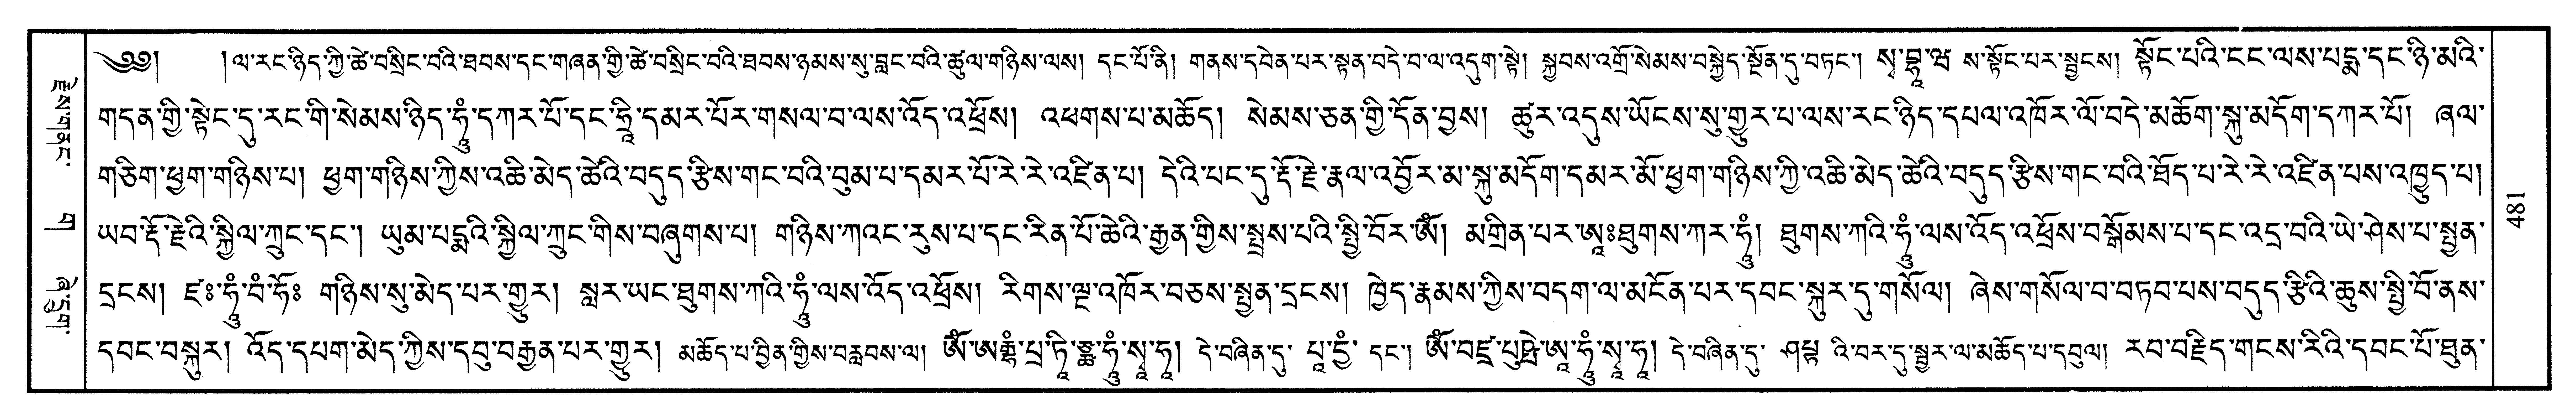༄༅། །ལ་རང་ཉིད་ཀྱི་ཚེ་བསྲིང་བའི་ཐབས་དང་གཞན་གྱི་ཚེ་བསྲིང་བའི་ཐབས་ཉམས་སུ་བླང་བའི་ཚུལ་གཉིས་ལས། དང་པོ་ནི། གནས་དབེན་པར་སྟན་བདེ་བ་ལ་འདུག་སྟེ། སྐྱབས་འགྲོ་སེམས་བསྐྱེད་སྔོན་དུ་བཏང་། སྭ་བྷཱ་ཝ་ས་སྟོང་པར་སྦྱངས། སྟོང་པའི་ངང་ལས་པདམ་དང་ཉི་མའི་
གདན་གྱི་སྟེང་དུ་རང་གི་སེམས་ཉིད་ཧཱུཾ་དཀར་པོ་དང་ཧྲཱི་དམར་པོར་གསལ་བ་ལས་འོད་འཕྲོས། འཕགས་པ་མཆོད། སེམས་ཅན་གྱི་དོན་བྱས། ཚུར་འདུས་ཡོངས་སུ་གྱུར་པ་ལས་རང་ཉིད་དཔལ་འཁོར་ལོ་བདེ་མཆོག་སྐུ་མདོག་དཀར་པོ། ཞལ་
གཅིག་ཕྱག་གཉིས་པ། ཕྱག་གཉིས་ཀྱིས་འཆི་མེད་ཚེའི་བདུད་རྩིས་གང་བའི་བུམ་པ་དམར་པོ་རེ་རེ་འཛིན་པ། དེའི་པང་དུ་རྡོ་རྗེ་རྣལ་འབྱོར་མ་སྐུ་མདོག་དམར་མོ་ཕྱག་གཉིས་ཀྱི་འཆི་མེད་ཚེའི་བདུད་རྩིས་གང་བའི་ཐོད་པ་རེ་རེ་འཛིན་པས་འཁྱུད་པ།
ཡབ་རྡོ་རྗེའི་སྐྱིལ་ཀྲུང་དང་། ཡུམ་པདམའི་སྐྱིལ་ཀྲུང་གིས་བཞུགས་པ། གཉིས་ཀའང་རུས་པ་དང་རིན་པོ་ཆེའི་རྒྱན་གྱིས་སྤྲས་པའི་སྤྱི་བོར་ཨོཾ། མགྲིན་པར་ཨཱཿ ཐུགས་ཀར་ཧཱུཾ། ཐུགས་ཀའི་ཧཱུཾ་ལས་འོད་འཕྲོས་བསྒོམས་པ་དང་འདྲ་བའི་ཡེ་ཤེས་པ་སྤྱན་
དྲངས། ཛཿ ཧཱུཾ་བཾ་ཧོཿ གཉིས་སུ་མེད་པར་གྱུར། སླར་ཡང་ཐུགས་ཀའི་ཧཱུཾ་ལས་འོད་འཕྲོས། རིགས་ལྔ་འཁོར་བཅས་སྤྱན་དྲངས། ཁྱེད་རྣམས་ཀྱིས་བདག་ལ་མངོན་པར་དབང་སྐུར་དུ་གསོལ། ཞེས་གསོལ་བ་བཏབ་པས་བདུད་རྩིའི་ཆུས་སྤྱི་བོ་ནས་
དབང་བསྐུར། འོད་དཔག་མེད་ཀྱིས་དབུ་བརྒྱན་པར་གྱུར། མཆོད་པ་བྱིན་གྱིས་བརླབས་ལ། ཨོཾ་ཨརྒྷཾ་པྲ་ཏཱི་ཙྪ་ཧཱུཾ་སྭཱ་ཧཱ། དེ་བཞིན་དུ་པཱ་དྱཾ་དང་། ཨོཾ་བཛྲ་པུཥྤེ་ཨཱ་ཧཱུཾ་སྭཱ་ཧཱ། དེ་བཞིན་དུ་ཤཔྟའི་བར་དུ་སྦྱར་ལ་མཆོད་པ་དབུལ། རབ་བརྗིད་གངས་རིའི་དབང་པོ་ཐུན་